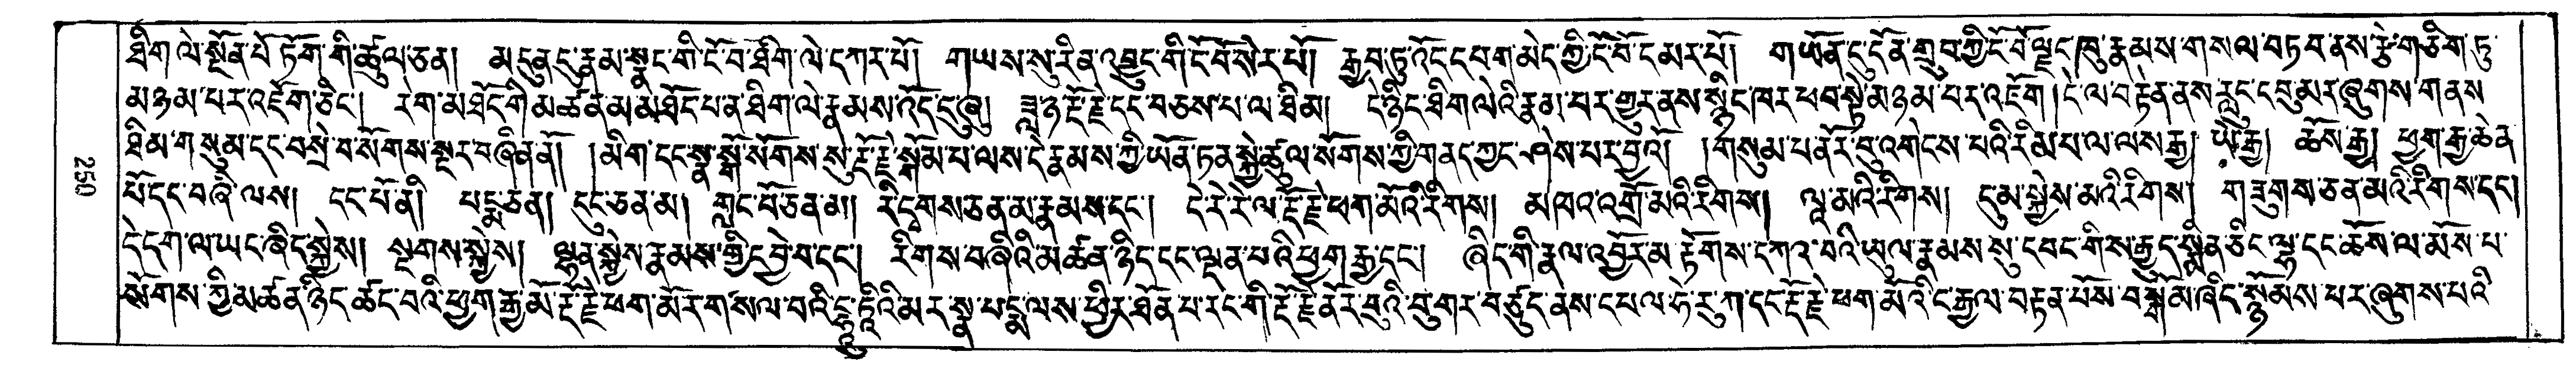ཐིག་ལེ་སྔོན་པོ་རྟོག་གི་ཚུལ་ཅན། མདུན་དུ་རྣམ་སྣང་གི་ངོ་བོ་ཐིག་ལེ་དཀར་པོ། གཡས་སུ་རིན་འབྱུང་གི་ངོ་བོ་སེར་པོ། རྒྱབ་ཏུ་འོད་དཔག་མེད་ཀྱི་ངོ་བོ་དམར་པོ། གཡོན་དུ་དོན་གྲུབ་ཀྱི་ངོ་བོ་ལྗང་ཁུ་རྣམས་གསལ་བཏབ་ནས་རྩེ་གཅིག་ཏུ་
མཉམ་པར་འཇོག་ཅིང་། རེག་མཐོང་གི་མཚན་མ་མཐོང་བོ་ན་ཐིག་ལེ་རྣམས་འོད་དུ་ཞུ། ཟླ་ཉི་རྡོ་རྗེ་དང་བཅས་པ་ལ་ཐིམ། དེ་ཉིད་ཐིག་ལེའི་རྣམ་པར་གྱུར་ནས་སྙིང་ཁར་ཕབ་སྟེ་མཉམ་པར་འཇོག། དེ་ལ་བརྟེན་ནས་རླུང་དབུ་མར་ཞུགས་གནས་
ཐིམ་གསུམ་དང་བསྲེ་བ་སོགས་སྔར་བཞིན་ནོ། །མིག་དང་སྣ་སྒོ་སོགས་སུ་རྡོ་རྗེ་སྒོམ་པ་ལས་དེ་རྣམས་ཀྱི་ཡོན་ཏན་སྐྱེ་ཚུལ་སོགས་ཀྱི་གནད་ཀྱང་ཤེས་པར་བྱའོ། །གསུམ་པ་ནོར་བུ་འགེངས་པའི་རིམ་པ་ལ་ལས་རྒྱ། ཡེ་རྒྱ། ཆོས་རྒྱ། ཕྱག་རྒྱ་ཆེན་
པོ་དང་བཞི་ལས། དང་པོ་ནི། པདམ་ཅན། དུང་ཅན་མ། གླང་པོ་ཅན་མ། རི་དྭགས་ཅན་མ་རྣམས་དང་། དེ་རེ་རེ་ལ་རྡོ་རྗེ་ཕག་མོའི་རིགས། མཁའ་འགྲོ་མའི་རིགས། ལཱ་མའི་རིགས། དུམ་སྐྱེས་མའི་རིགས། གཟུགས་ཅན་མའི་རིགས་དང་།
དེ་དག་ལ་ཡང་ཞིང་སྐྱེས། སྔགས་སྐྱེས། ལྷན་སྐྱེས་རྣམས་ཀྱི་དབྱེ་བ་དང་། རིགས་བཞིའི་མཚན་ཉིད་དང་ལྡན་པའི་ཕྱག་རྒྱ་དང་། ཞིང་གི་རྣལ་འབྱོར་མ་རྟོགས་དཀའ་བའི་ཡུལ་རྣམས་སུ་དབང་གིས་རྒྱུད་སྨིན་ཅིང་ལྷ་དང་ཆོས་ལ་མོས་པ་
སོགས་ཀྱི་མཚན་ཉིད་ཚང་བའི་ཕྱག་རྒྱ་མོ་རྡོ་རྗེ་ཕག་མོར་གསལ་བའི་དྷཱུ་ཏཱིའི་མར་སྣ་པདམ་ལས་ཕྱིར་ཐོན་པ་རང་གི་རྡོ་རྗེ་ནོར་བུའི་བུ་གར་བཙུད་ནས་དཔལ་ཧེ་རུ་ཀ་དང་རྡོ་རྗེ་ཕག་མོའི་ང་རྒྱལ་བརྟན་པོས་བསྒོམ་ཞིང་སྙོམས་པར་ཞུགས་པའི་